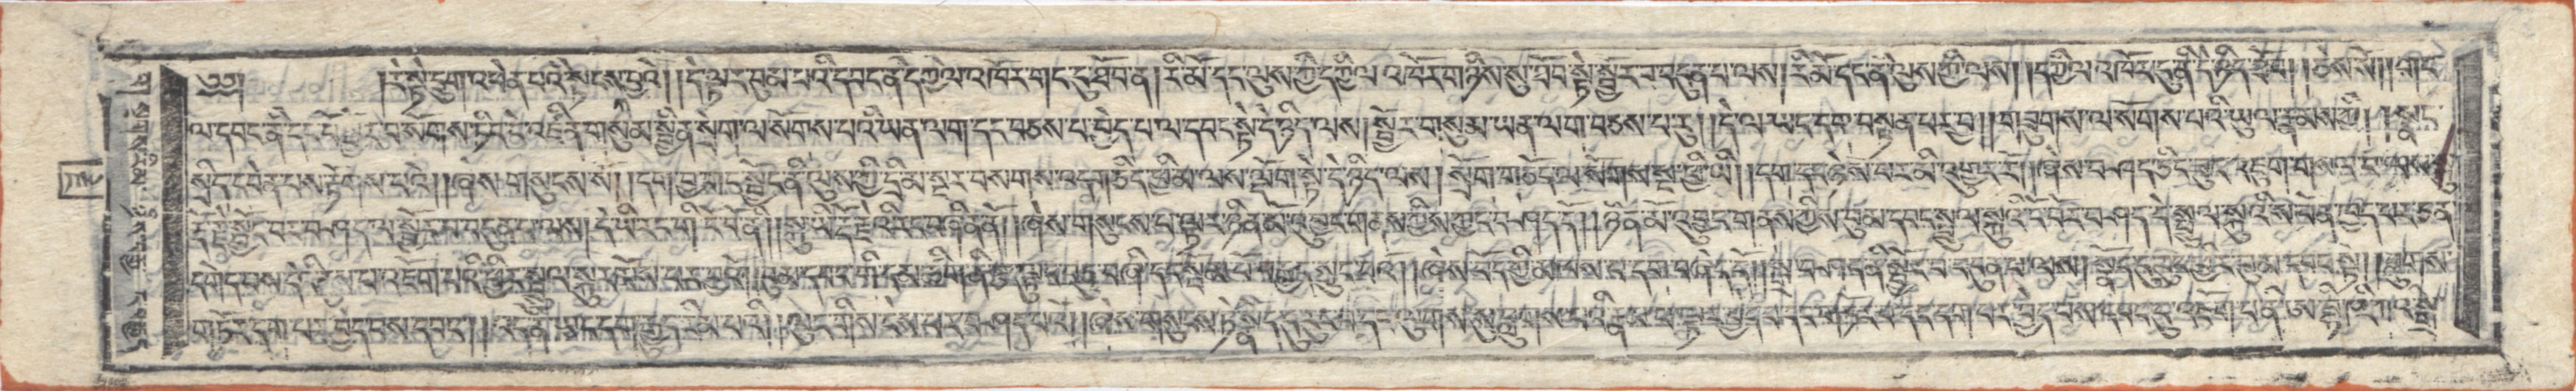༄༅། །རེ་སྟེ་དྲུག་འཕེན་པའི་སྟངས་ཀ་བྱའོ། །དེ་ལྟར་བུམ་པའི་དབང་ནི་དཀྱིལ་འཁོར་གང་དུ་ཐོབ་ན། རི་མོ་དང་ལུས་ཀྱི་དཀྱིལ་འཁོར་གཉིས་སུ་ཐོབ་སྟེ་སྦྱོར་བ་བདུན་པ་ལས། རི་མོ་དང་ནི་ལུས་ཀྱི་ལས། །དཀྱིལ་འཁོར་དུ་ནི་དེ་ཉིད་ཐོབ། །ཅེས་སོ། །གང་ལ་དབང་ནི་དང་པོ་སྦྱོར་བ་སོགས་ཏིང་ངེ་འཛིན་གསུམ་སྦྱིན་སྲོག་ལ་སོགས་པའི་ཡན་ལག་དང་བཅས་པ་བྱེད་པ་ལ་དབང་སྟེ་དེ་ཉིད་ལས། སྦྱོར་གསུམ་ཡན་ལག་བཅས་པ་རུ། །དེ་ལ་ཡང་དག་བསྟན་པར་བྱ། །གཟུགས་ལ་སོགས་པའི་ཡུལ་རྣམས་ཀྱི། །སྣང་
སྲིད་དབེན་པས་རྟོགས་པའོ། །ཞེས་གསུངས་སོ། །དག་བྱ་གང་སྦྱོང་ནི་ལུས་ཀྱི་དྲི་མ་སྔར་བསགས་འདག་ཅིང་ཕྱི་མ་ལས་ལྡོག་སྟེ་དེ་ཉིད་ལས། སྲོག་གཅོད་ལ་སོགས་སྔ་ཕྱི་ཡི། །དག་དང་ཉེས་པར་མི་འགྱུར་རོ། །ཞེས་བཤད་ཅིང་ཟུང་འཇུག་གསལ་བ་ལས་སྐུ་
རྡོ་རྗེ་སྦྱོང་བར་བཤད་ལ་སྦྱོར་བ་བདུན་པ་ལས། དེ་ཡི་རང་གི་ངོ་བོ་ནི། །སྐུ་ཡི་རྡོ་རྗེའི་རང་བཞིན་ནོ། །ཞེས་གསུངས་པ་ལྟར་ཉིན་མོ་འབྱུང་གནས་ཀྱིས་ཀྱང་བཤད་དོ། །ཉིན་མོ་འབྱུང་གནས་ཀྱིས་བུམ་དབང་སྤྲུལ་སྐུའི་ངོ་བོར་བཤད་དེ་སྤྲུལ་སྐུའི་ས་བོན་ཁྱད་པར་ཅན་
དགེད་པས་དེའི་ནུས་པ་འཇོག་པའི་ཕྱིར་སྤྲུལ་སྐུར་མོས་པར་བྱའོ། །བུམ་དབང་གི་དམ་ཚིག་ནི་རྩ་ལྟུང་བཅུ་བཞི་དང་སྦོམ་པོ་བརྒྱད་སྲུང་བའོ། །ཞེས་བོད་ཀྱི་མཁས་པ་དག་བཞེད་དོ། །སྒྲ་བཤད་ནི་སྦྱོར་བ་བདུན་པ་ལས། སྣོད་དུ་རུང་ཕྱིར་བུམ་དབང་སྟེ། །བླུགས་
གཏོར་དག་པར་བྱེད་བས་དབང་། །འདི་ནི་ཡང་དག་རྒྱུད་རིམ་པའི། །ལུང་གིས་ངེས་པར་བཤད་པའོ། །ཞེས་གསུངས་ཏེ་སྣོད་དུ་རུང་བ་དང་ལུགས་སུ་བླུགས་པའི་རྣམ་པ་ལྟར་བྱེད་པ་དང་གཏོར་བ་དང་དག་པར་བྱེད་པས་དབང་དུ་འཇོག་པ་ནི་ཨ་བྷི་ཥི་ཀའི་སྒྲ་